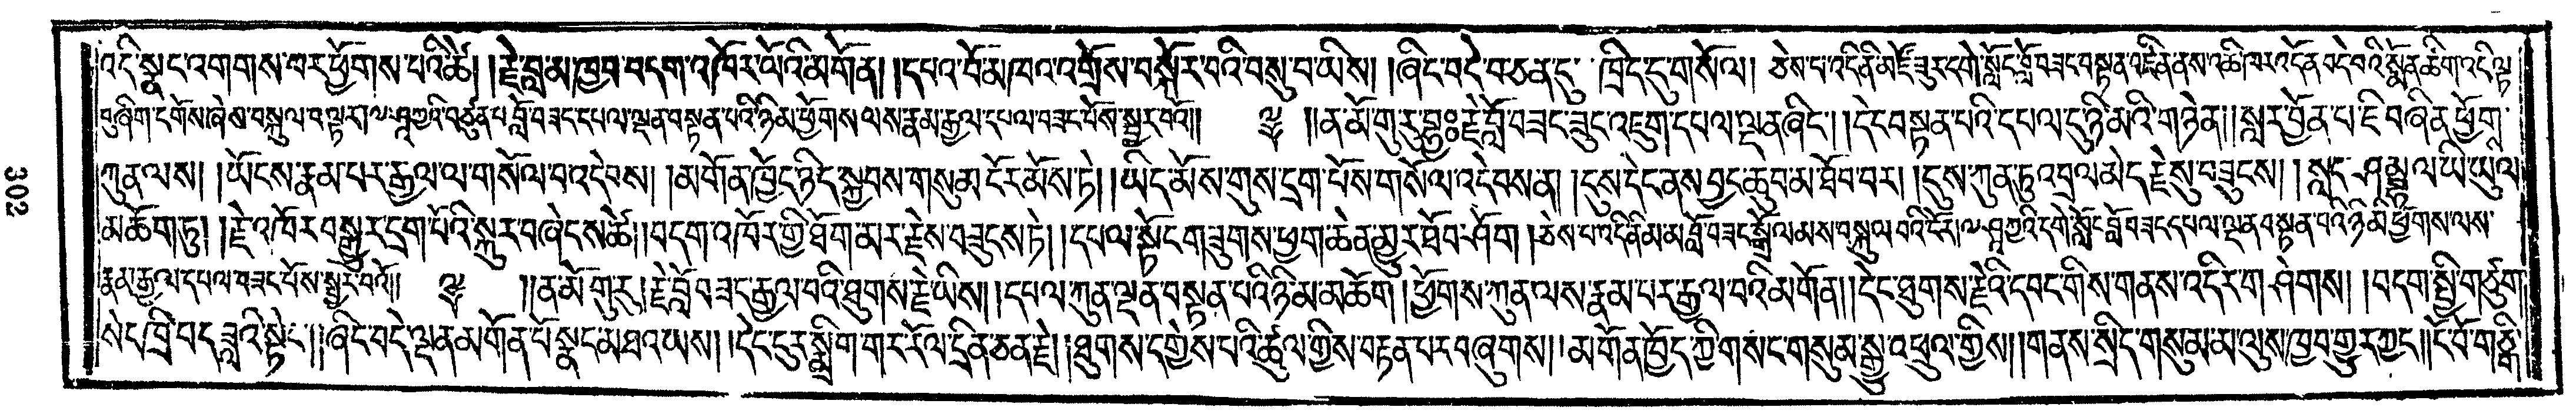འདི་སྣང་འགགས་བར་ཕྱོགས་པའི་ཚེ། །རྗེ་བླ་མ་ཁྱབ་བདག་འཁོར་ལོའི་མགོན། །དཔའ་བོ་མཁའ་འགྲོས་བསྐོར་བའི་བསུ་བ་ཡིས། །ཞིང་བདེ་བ་ཅན་དུ་ཁྲིད་དུ་གསོལ། ཅེས་པ་འདི་ནི་མཛོ་ཟུར་དགེ་སློང་བློ་བཟང་བསྟན་འཛིན་ནས་འཆི་ཁར་འདོན་བདེ་བའི་སྨོན་ཚིག་འདི་ལྟ་
བུ་ཞིག་དགོས་ཞེས་བསྐུལ་བ་ལྟར། ༧་ཤཱཀྱའི་བཙུན་པ་བློ་བཟང་དཔལ་ལྡན་བསྟན་པའི་ཉི་མ་ཕྱོགས་ལས་རྣམ་རྒྱལ་དཔལ་བཟང་པོས་སྦྱར་བའོ།། ༈ །།ན་མོ་གུ་རུ་བྷྱཿ རྗེ་བློ་བཟང་ཟུང་འཇུག་དཔལ་ལྡན་ཞིང་། །དེང་བསྟན་པའི་དཔལ་དུ་ཉི་མའི་གཉེན། །སླར་བྱོན་པ་ཇི་བཞིན་ཕྱོགས་
ཀུན་ལས། །ཡོངས་རྣམ་པར་རྒྱལ་ལ་གསོལ་བ་འདེབས། །མགོན་ཁྱོད་ཉིད་སྐྱབས་གསུམ་ངོར་མོས་ཏེ། །ཡིད་མོས་གུས་དྲག་པོས་གསོལ་འདེབས་ན། །དུས་དེང་ནས་བྱང་ཆུབ་མ་ཐོབ་བར། །དུས་ཀུན་ཏུ་འབྲལ་མེད་རྗེ་སུ་བཟུངས། །སླད་ཤམྦྷ་ལ་ཡི་ཡུལ་
མཆོག་ཏུ། །རྗེ་འཁོར་བསྒྱུར་དྲག་པོའི་སྐུར་བཞེངས་ཚེ། །བདག་འཁོར་གྱི་ཐོག་མར་རྗེས་བཟུངས་ཏེ། །དཔལ་སྟོང་གཟུགས་ཕྱག་ཆེན་མྱུར་ཐོབ་ཤོག །ཅེས་པ་འདི་ནི་མ་མ་བློ་བཟང་སྒྲོལ་མས་བསྐུལ་བའི་ངོར། ༧་ཤཱཀྱའི་དགེ་སློང་བློ་བཟང་དཔལ་ལྡན་བསྟན་པའི་ཉི་མ་ཕྱོགས་ལས་
རྣམ་རྒྱལ་དཔལ་བཟང་པོས་སྦྱར་བའོ།། ༈ །།ན་མོ་གུ་རུ། རྗེ་བློ་བཟང་རྒྱལ་བའི་ཐུགས་རྗེ་ཡིས། །དཔལ་ཀུན་ལྡན་བསྟན་པའི་ཉི་མ་མཆོག །ཕྱོགས་ཀུན་ལས་རྣམ་པར་རྒྱལ་བའི་མགོན། །དེང་ཐུགས་རྗེའི་དབང་གིས་གནས་འདིར་གཤེགས། །བདག་སྤྱི་གཙུག་
སེང་ཁྲི་བད་ཟླའི་སྟེང་། །ཞིང་བདེ་ལྡན་མགོན་པོ་སྣང་མཐའ་ཡས། །དེང་ངུར་སྨྲིག་གར་རོལ་དྲིན་ཅན་རྗེ། །ཐུགས་དགྱེས་པའི་ཚུལ་གྱིས་བརྟན་པར་བཞུགས། །མགོན་ཁྱོད་ཀྱི་གསང་གསུམ་སྒྱུ་འཕྲུལ་གྱི་ས། །གནས་སྲིད་གསུམ་མ་ལུས་ཁྱབ་གྱུར་ཀྱང་། །ངོ་བོ་གཅིག་